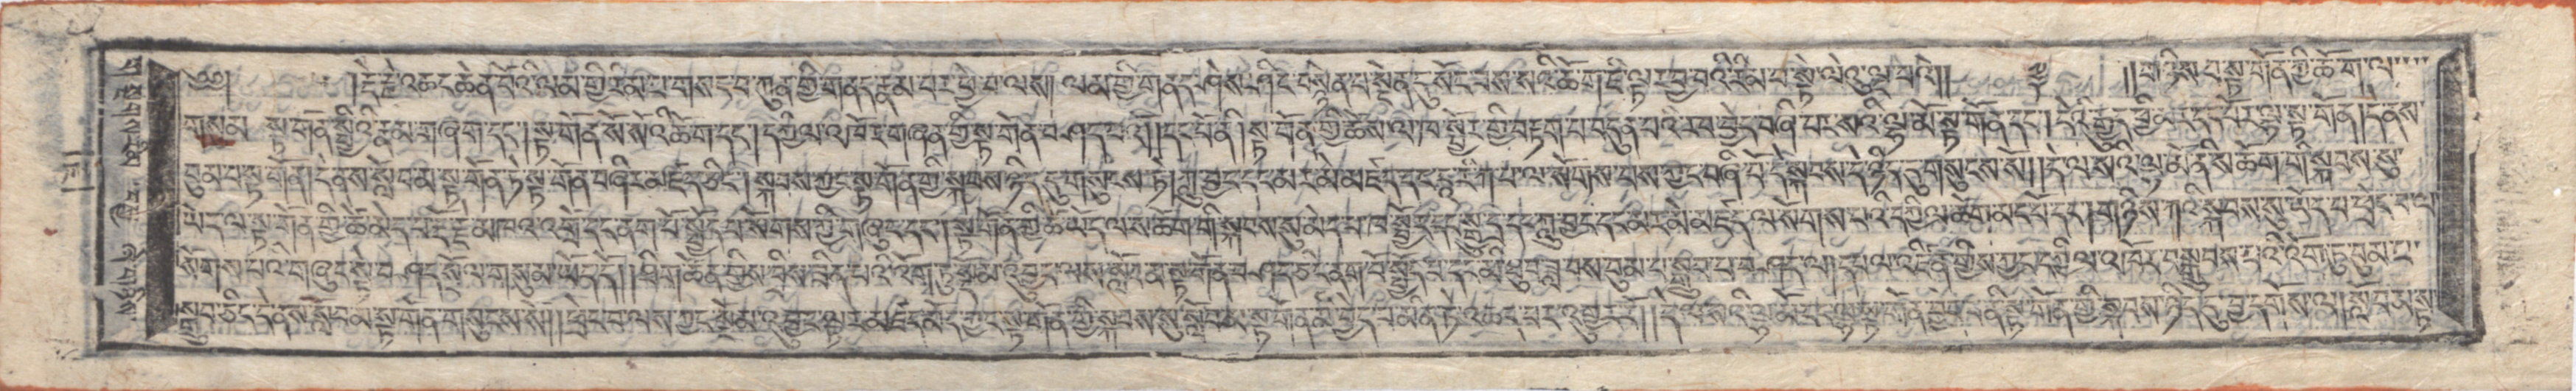༄༅། །རྡོ་རྗེ་འཆང་ཆེན་པོའི་ལམ་གྱི་རིམ་པ་གསང་བ་ཀུན་གྱི་གནད་རྣམ་པར་ཕྱེ་བ་ལས། ལམ་གྱི་གནད་ཤེས་ཤིང་བསྙེན་པ་སྔོན་དུ་སོང་བས་སའི་ཆོ་ག་ཇི་ལྟར་བྱ་བའི་རིམ་པ་སྟེ་ལེའུ་ལྔ་པའོ།། ༈ །།གཉིས་པ་སྟ་གོན་ཀྱི་ཆོ་ག་ལ་
གསུམ་སྟ་གོན་སྤྱིའི་རྣམ་གཞག་དང་། སྟ་གོན་སོ་སོའི་ཆོ་ག་དང་། དཀྱིལ་འཁོར་གཞན་གྱི་སྟ་གོན་བཤད་པའོ། །དང་པོ་ནི། སྟ་གོན་གྱི་ཆོས་ལ་ཁ་སྦྱོར་གྱི་བརྟག་པ་བདུན་པའི་རབ་བྱེད་བཞི་པར་སའི་ལྷ་མོ་སྟ་གོན་དང་། དེའི་རྒྱུད་ཕྱི་མར་དང་པོར་ལྷ་སྟ་གོན། དེ་ནས་
བུམ་པ་སྟ་གོན། དེ་ནས་སློབ་མ་སྟ་གོན་ཏེ་སྟ་གོན་བཞིར་མཛད་ཅིང་། སྐབས་ཀྱང་སྟ་གོན་གྱི་སྐབས་ཉིད་དུ་གསུངས་ཏེ། ཀླུ་བྱང་དང་མར་མེ་མཛད་དང་ངཱ་རི་ཀ་པ་ལ་སོགས་པས་ཀྱང་བཞི་པོ་དེ་སྐབས་དེ་ཉིད་དུ་གསུངས་སོ། །དེ་ལ་སའི་ལྷ་མོ་ནི་ས་ཆོག་གི་སྐབས་སུ་
ཡོད་ལ་སྟ་གོན་གྱི་ཚེ་མེད་པ་རྡོ་རྗེ་མཁའ་འགྲོ་དང་ནག་པོ་སྤྱོད་པ་སོགས་ཀྱི་གཞུང་དང་། སྟ་གོན་གྱི་ཚེ་ཡོད་ལ་ས་ཆོག་གི་སྐབས་སུ་མེད་པ་ཁ་སྦྱོར་དང་སྒྱུ་དྲ་དང་ཀླུ་བྱང་དང་མར་མེ་མཛད་ལ་སོགས་པའི་དཀྱིལ་ཆོག་མང་པོ་དང་། གཉིས་ཀའི་སྐབས་སུ་ཡོད་པ་ཕྲེང་བ་ལ་
སོགས་པའི་གཞུང་སྟེ་བཤད་སྲོལ་གསུམ་ཡོད་དོ། །ཐིག་ཚོན་གྱིས་བྲིས་ཟིན་པའི་འོག་ཏུ་སྡོམ་འབྱུང་ལས་སློབ་མ་སྟ་གོན་བཤད་ཅིང་ནག་པོ་སྤྱོད་པ་དང་མི་ཐུབ་ཟླ་བས་བུམ་པ་སྒྲུབ་པ་བཤད་ལ། དཔལ་འཛིན་གྱིས་ཀྱང་དཀྱིལ་འཁོར་བསྒྲུབས་པའི་འོག་ཏུ་བུམ་པ་
སྒྲུབ་ཅིང་དེ་ནས་སློབ་མ་སྟ་གོན་གསུངས་སོ། །ཕྲེང་བ་ལས་ཀྱང་སྡོམ་འབྱུང་ལྟར་མཛད་མོད་ཀྱང་སྟ་གོན་གྱི་སྐབས་སུ་སློབ་མ་སྟ་གོན་མི་བྱེད་པ་མིན་ཏེ་འཆད་པར་འགྱུར་རོ། །དེ་ལ་སའི་ལྷ་མོ་དང་ལྷ་སྟ་གོན་བྱེད་པ་ནི་སྟ་གོན་གྱི་སྐབས་ཉིད་དུ་བྱ་དགོས་ལ། སློབ་མ་སྟ་